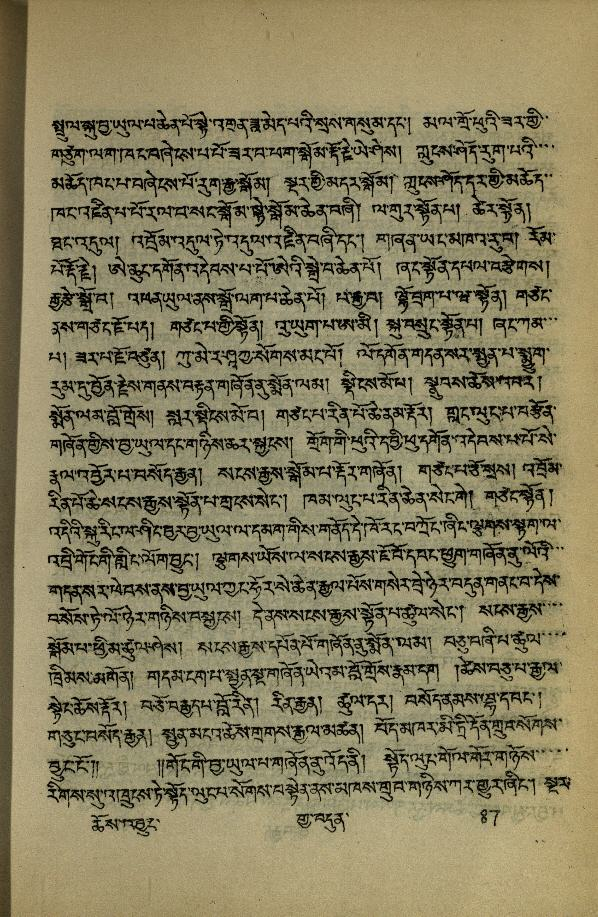སྤྲུལ་སྐུ་བྱ་ཡུལ་པ་ཆེན་པོ་སྟེ་འགྲན་ཟླ་མེད་པའི་སྲས་གསུམ་དང་། མལ་གྲོ་ཕུའི་ཟར་གྱི་
གཙུག་ལག་ཁང་བཞེངས་པ་པོ་ཟར་བ་ཕག་སྒོམ་རྡོ་རྗེ་ཡེ་ཤེས། ཀླུངས་ཤོད་རུག་པའི་
མཆོད་ཁང་པ་བཞེངས་པོ་རུག་རྒྱ་སྒོམ། སྔར་གྱི་མདར་སྒོམ། ཀླུངས་ཤོད་དར་གྱི་མཆོད་
ཁང་འཛིན་པ་པོ་རལ་བ་སང་སྒོམ་སྟེ་སྒོམ་ཆེན་བཞི། ལ་གུར་སྟོན་པ། ཚེར་སྟོན།
ཐང་འདུལ། འབྲོམ་འདུལ་ཏེ་འདུལ་འཛིན་བཞི་དང་། གཞན་ཡང་མཁའ་རུ་བ། རོམ་
པོ་རྡོ་རྗེ། ཨེ་ཆུང་དགོན་འདེབས་པ་པོ་དེའི་སྒྲེ་བ་ཆེན་པོ། ཞང་སྟོན་དཔལ་བརྩེགས།
རྒྱ་རྩེ་སྒྲོ་བ། འཕན་ཡུལ་ནས་སྒྲོ་ལག་པ་ཆེན་པོ། པ་རྒྱ་བ། ལྷོ་བྲག་པ་ཝ་སྟོན། གཙང་
ནས་གཙང་ཇོ་པད། གཙང་པ་གྱི་སྟོན། འུ་ཡུག་པ་ཨ་མི། སྐུ་བསྲུང་སྟོན་པ། ཞང་ཀམ་
པ། ཟར་པ་ཇོ་བཙུན། ཀུ་མེ་ར་ཤཱཀྱ་སོགས་མང་པོ། ལོ་དགོན་གདན་སར་སྤྱན་པ་སྨྱུག་
རུམ་དུ་བྱོན་རྗེས་གནས་བརྟན་གཞོན་ནུ་སྨོན་ལམ། སྡིངས་མོ་པ། སྣུབས་ཆོས་འབར།
སྨོན་ལམ་བློ་གྲོས། སླར་སྡིངས་མོ་བ། གཙང་པ་རིན་པོ་ཆེ་ནམ་རྡོར། གླང་ལུང་པ་བརྩོན་
གཞོན་གྱིས་བྱ་ཡུལ་དང་གཉིས་ཆར་སྐྱངས། གྲོག་གི་ཕུའི་དབྱི་ཕུ་དགོན་འདེབས་པ་པོ་སེ་
རྣལ་འབྱོར་པ་བསོད་རྒྱན། སངས་རྒྱས་སྒོམ་པ་རྡོར་གཞོན། གཙང་པ་ཅོ་སྲས། འབྲོམ་
རིན་པོ་ཆེ་སངས་རྒྱས་སྟོན་པ་གྲངས་སེང་། ཁམ་ལུང་པ་རིན་ཆེན་སེང་གེ། གཙང་སྟོན།
འདིའི་སྐུ་རིང་ལ་ཤིང་བྱར་བྱ་ཡུལ་ལ་དམག་གིས་གནོད་དེ་ཁོ་རང་བཀྲོང་ཞིང་ལྕགས་སྟག་ལ་
འབྲི་གོང་གི་གླིང་ལོག་བྱུང་། ལྕགས་ཡོས་ལ་སངས་རྒྱས་ཇོ་བོ་དབང་ཕྱུག་གཞོན་ནུ་ལོའི་
གདན་སར་ཕེབས་ནས་བྱ་ཡུལ་ཀྱང་ཧོར་སེ་ཆེན་རྒྱལ་པོས་གསེར་བྲེ་ཉེར་བདུན་གནང་བ་དེས་
བསོས་ཏེ་ལོ་ཉེར་གཉིས་བསྐྱངས། དེ་ནས་སངས་རྒྱས་སྟོན་པ་ཚུལ་སེང་། སངས་རྒྱས་
སྐོམ་པ་ཕྱི་མ་ཚུལ་ཤེས། སངས་རྒྱས་དཔོན་པོ་གཞོན་ནུ་སྨོན་ལམ། བཅུ་བཞི་པ་ཚུལ་
ཁྲིམས་མགོན། གདམ་ངག་པ་སྤྱན་སྔ་གཞོན་ཡེའམ་བློ་གྲོས་རྣམ་དག །ཚེས་བཅུ་པ་རྒྱལ་
སྟེང་ཆོས་རྡོར། བཅོ་བརྒྱད་པ་བློ་རིན། རིན་རྒྱན། ཚུལ་དར། བསོད་ནམས་ལྷ་དབང་།
གཅུང་བསོད་རྒྱན། སྤྱན་མངའ་ཆོས་གྲགས་རྒྱལ་མཚན། བོད་མཁར་མི་ཏྲི་དོན་གྲུབ་སོགས་
བྱུང་ངོ།། །།གོང་གི་བྱ་ཡུལ་པ་གཞོན་ནུ་འོད་ནི། སྟོད་ལུང་གོལ་གོར་གཉོས་
རིགས་སུ་འཁྲུངས་ཏེ་སྟོད་ལུང་པ་སོགས་བསྟེན་ནས་མཁས་གྲུབ་གཉིས་ཀར་གྱུར་ཞིང་། སྔར་